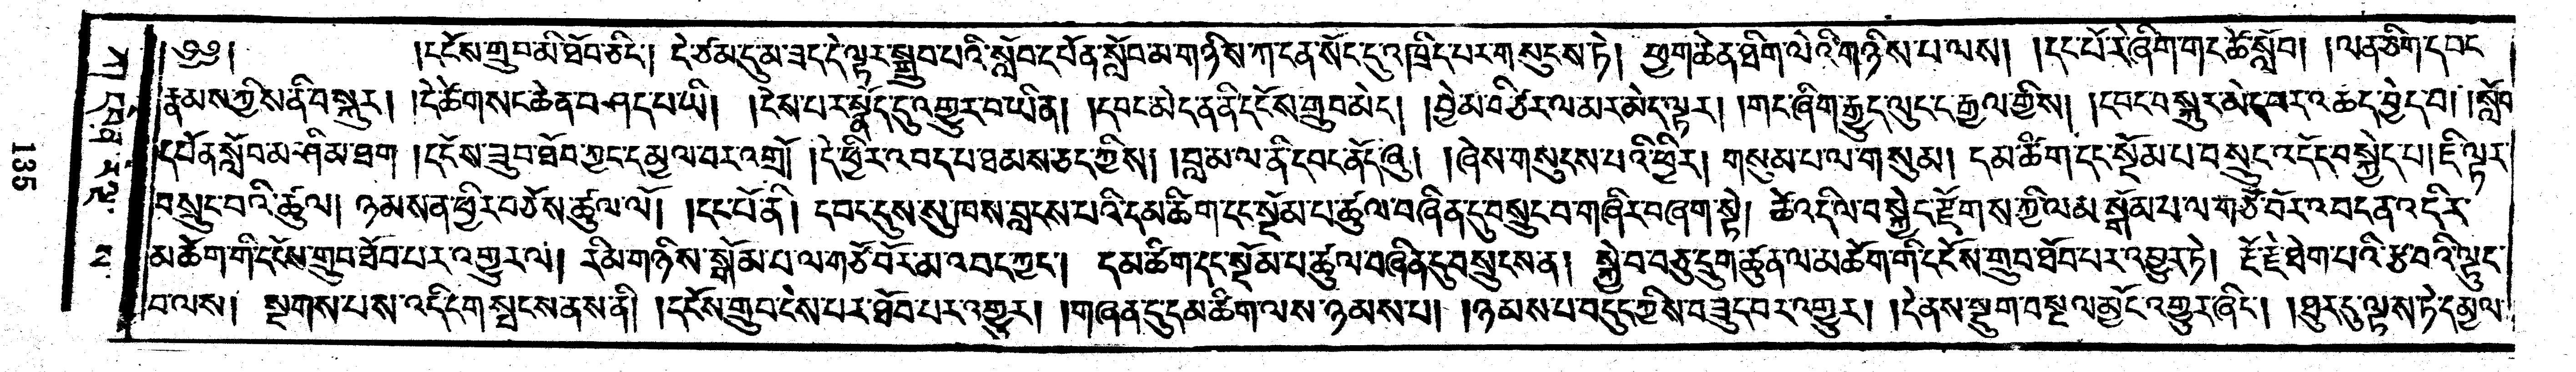༄༅། །དངོས་གྲུབ་མི་ཐོབ་ཅིང་། དེ་ཙམ་དུ་མ་ཟད་དེ་ལྟར་སྒྲུབ་པའི་སློབ་དཔོན་སློབ་མ་གཉིས་ཀ་ངན་སོང་དུ་འཁྲིད་པར་གསུངས་ཏེ། ཕྱག་ཆེན་ཐིག་ལེའི་གཉིས་པ་ལས། །དང་པོ་རེ་ཞིག་གང་ཚེ་སློབ། །ལན་ཅིག་དབང་
རྣམས་ཀྱིས་ནི་བསྐུར། །དེ་ཚེ་གསང་ཆེན་བཤད་པ་ཡི། །ངེས་པར་སྣོད་དུ་འགྱུར་བ་ཡིན། །དབང་མེད་ན་ནི་དངོས་གྲུབ་མེད། །བྱེ་མ་བ་ཙིར་ལ་མར་མེད་ལྟར། །གང་ཞིག་རྒྱུད་ལུང་ང་རྒྱལ་གྱིས། །དབང་བསྐུར་མེད་བར་འཆད་བྱེད་བ། །སློབ་
དཔོན་སློབ་མ་ཤིམ་ཐག །དངོས་ཟུབ་ཐོབ་ཀྱང་དམྱལ་བར་འགྲོ། །དེ་ཕྱིར་འབད་པ་ཐམས་ཅད་ཀྱིས། །བླ་མ་ལ་ནི་དབང་ནོད་ཞུ། །ཞེས་གསུངས་པའི་ཕྱིར། གསུམ་པ་ལ་གསུམ། དམ་ཚིག་དང་སྡོམ་པ་བསྲུང་འདོད་བསྐྱེད་པ། ཇི་ལྟར་
བསྲུང་བའི་ཚུལ། ཉམས་ན་ཕྱིར་བཅོས་ཚུལ་ལོ། །དང་པོ་ནི། དབང་དུས་སུ་ཁས་བླངས་པའི་དམ་ཚིག་དང་སྔོམ་པ་ཚུལ་བཞིན་དུ་བསྲུང་བ་གཞིར་བཞག་སྟེ། ཚེ་འདི་ལ་བསྐྱེད་རྫོགས་ཀྱི་ལམ་སྒོམ་པ་ལ་གཙོ་བོར་འབད་ན་འདིར་
མཆོག་གི་དངོས་གྲུབ་ཐོབ་པར་འགྱུར་ལ། རིམ་གཉིས་སྒོམ་པ་ལ་གཙོ་བོར་མ་འབད་ཀྱང་། དམ་ཚིག་དང་སྡོམ་པ་ཚུལ་བཞིན་དུ་བསྲུངས་ན། སྐྱེ་བ་བཅུ་དྲུག་ཚུན་ལ་མཆོག་གི་དངོས་གྲུབ་ཐོབ་པར་འབྱུར་ཏེ། རྡོ་རྗེ་ཐེག་པའི་རྩ་བའི་ལྟུང་
བ་ལས། སྔགས་པས་འདི་དག་སྤངས་ནས་ནི། །དངོས་གྲུབ་ངེས་པར་ཐོབ་པར་འགྱུར། །གཞན་དུ་དམ་ཚིག་ལས་ཉམས་པ། །ཉམས་པ་བདུད་ཀྱིས་བཟུང་བར་འགྱུར། །དེ་ནས་སྡུག་བསྔལ་མྱོང་འགྱུར་ཞིང་། །ཐུར་དུ་ལྟས་ཏེ་དམྱལ་